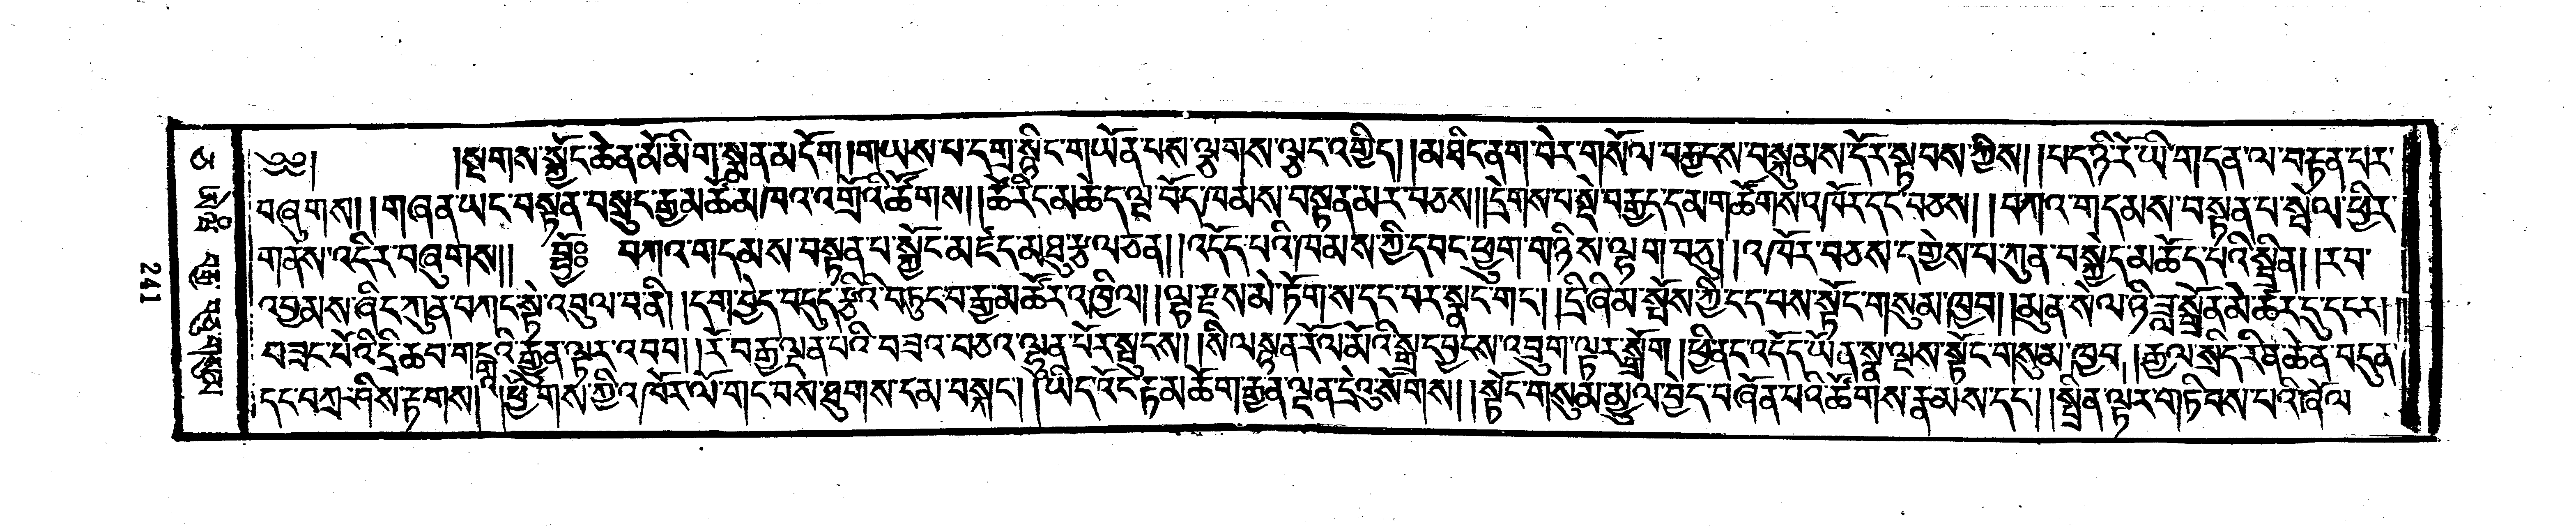༄༅། །སྔགས་སྐྱོང་ཆེན་མོ་མིག་སྨན་མདོག །གཡས་པ་དགྲ་སྙིང་གཡོན་པས་ལྕགས་ལྕང་འགྱེད། །མཐིང་ནག་བེར་གསོལ་བརྐྱངས་བསྐུམས་དོར་སྟབས་ཀྱིས། །པད་ཉི་རོ་ཡི་གདན་ལ་བརྟན་པར་
བཞུགས། །གཞན་ཡང་བསྟན་བསྲུང་རྒྱ་མཚོ་མཁའ་འགྲོའི་ཚོགས། །ཚེ་རིང་མཆེད་ལྔ་བོད་ཁམས་བསྟན་མར་བཅས། །དྲེགས་པ་སྡེ་བརྒྱད་དམག་ཚོགས་འཁོར་དང་བཅས། །བཀའ་གདམས་བསྟན་པ་སྤེལ་ཕྱིར་
གནས་འདིར་བཞུགས།། བྷྱོཿ བཀའ་གདམས་བསྟན་པ་སྐྱོང་མཛད་མཐུ་རྩལ་ཅན། །འདོད་པའི་ཁམས་ཀྱི་དབང་ཕྱུག་གཉིས་ལྷག་བཅུ། །འཁོར་བཅས་དགྱེས་པ་ཀུན་བསྐྱེད་མཆོད་པའི་སྤྲིན། །རབ་
འབྱམས་ཞིང་ཀུན་བཀང་སྟེ་འབུལ་བ་ནི། །དག་བྱེད་བདུད་རྩིའི་བཏུང་བ་རྒྱ་མཚོར་འཁྱིལ། །ལྷ་རྫས་མེ་ཏོག་ས་དང་བར་སྣང་གང་། །དྲི་ཞིམ་སྤོས་ཀྱི་དུད་པས་སྟོང་གསུམ་ཁྱབ། །མུན་སེལ་ཉི་ཟླ་སྒྲོན་མེ་ཚར་དུ་དངར།
བཟང་པོའི་དྲི་ཆབ་གངྒཱའི་རྒྱུན་ལྟར་འབབ། །རོ་བརྒྱ་ལྡན་པའི་བཟའ་བཅའ་ལྷུན་པོར་སྤུངས། །སིལ་སྙན་རོལ་མོའི་སྒྲ་དབྱངས་འབྲུག་ལྟར་སྒྲོག །ཕྱི་ནང་འདོད་ཡོན་སྣ་ལྔས་སྟོང་གསུམ་ཁྱབ། །རྒྱལ་སྲིད་རིན་ཆེན་བདུན་
དང་བཀྲ་ཤིས་རྟགས། །ཕྱོགས་ཀྱི་འཁོར་ལོ་གང་བས་ཐུགས་དམ་བསྐང་། །ཡིད་འོང་རྟ་མཆོག་རྒྱན་ལྡན་དྲེའུ་སོགས། །སྟོང་གསུམ་མྱུལ་བྱེད་བཞོན་པའི་ཚོགས་རྣམས་དང་། །སྤྲིན་ལྟར་གཏིབས་པའི་ཞོལ་